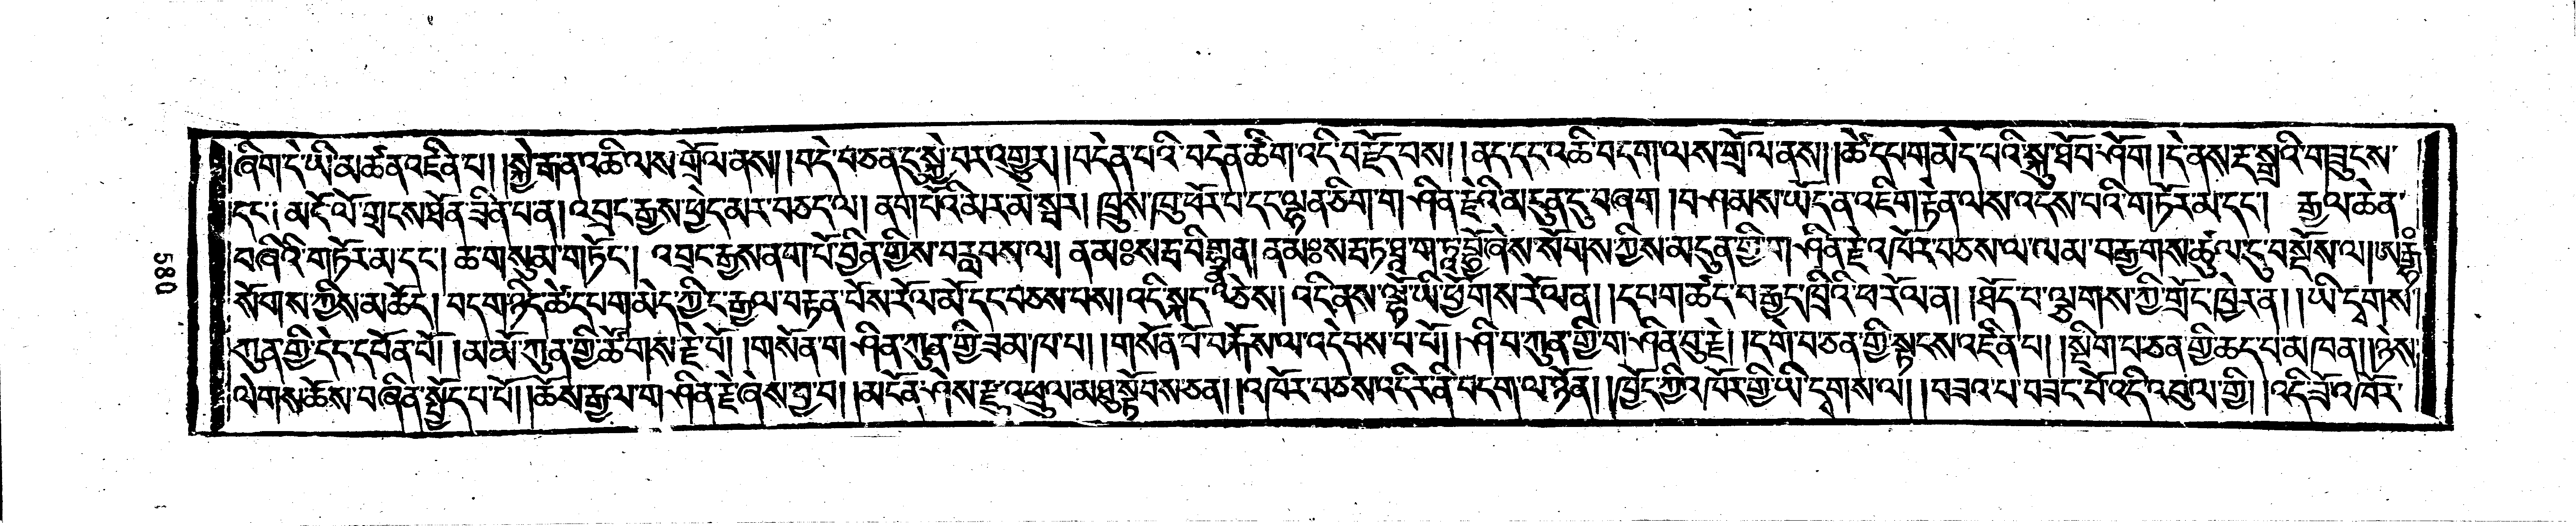ཞིག་དེ་ཡི་མཚན་འཛིན་པ། །སྐྱེ་རྒ་ན་འཆི་ལས་གྲོལ་ནས། །བདེ་བ་ཅན་དུ་སྐྱེ་བར་འགྱུར། །བདེན་པའི་བདེན་ཚིག་འདི་བརྗོད་པས། །ནད་དང་འཆི་བདག་ལས་གྲོལ་ནས། །ཚེ་དཔག་མེད་པའི་སྐུ་ཐོབ་ཤོག །དེ་ནས་རྔ་སྒྲའི་གཟུངས་
དང་། མདོ་ལོ་གྲངས་ཐོན་ཟིན་པ་ན། འབྲང་རྒྱས་ཕྱེད་མར་བཅད་ལ། ནག་པོའི་མར་མེ་སྦར། ཁྲུས་ཁུ་ཕོར་པ་དང་ལྷན་ཅིག་གཤིན་རྗེའི་མདུན་དུ་བཞག །བཤམས་ཡོད་ན་འཇིག་རྟེན་ལས་འདས་པའི་གཏོར་མ་དང་། རྒྱལ་ཆེན་
བཞིའི་གཏོར་མ་དང་། ཆ་གསུམ་གཏོང་། འབྲང་རྒྱས་ནག་པོ་བྱིན་གྱིས་བརླབས་ལ། ན་མཿ སརྦ་བི་གྷྣཱ་ན། ན་མཿ སརྦ་ཏ་ཐཱ་ག་ཏཱ་བྷྱོ་ཞེས་སོགས་ཀྱིས་མདུན་གྱི་གཤིན་རྗེ་འཁོར་བཅས་ལ་ལམ་བརྒྱགས་ཚུལ་དུ་བསྔོས་ལ། ཨརྒྷཾ་
སོགས་ཀྱིས་མཆོད། བདག་ཉིད་ཚེ་དཔག་མེད་ཀྱི་ང་རྒྱལ་བརྟན་པོས་རོལ་མོ་དང་བཅས་པས། འདི་སྐད་ཅེས། འདི་ནས་ལྷོ་ཡི་ཕྱོགས་རོལ་ན། །དཔག་ཚད་བརྒྱད་ཁྲིའི་ཕ་རོལ་ན། །ཐོད་པ་ལྕགས་ཀྱི་གྲོང་ཁྱེར་ན། །ཡི་དྭགས་
ཀུན་གྱི་དེད་དཔོན་པོ། །མ་མོ་ཀུན་གྱི་ཚོགས་རྗེ་བོ། །གསོན་གཤིན་ཀུན་གྱི་ཟམ་ཁ་བ། །གསོན་པོ་བརྐོས་ལ་འདེབས་པ་པོ། །ཤི་བ་ཀུན་གྱི་གཤིན་བུ་རྗེ། །དགེ་བ་ཅན་གྱི་སྟངས་འཛིན་པ། །སྡིག་པ་ཅན་གྱི་ཆད་པ་མཁན། །ཉེས་
ལེགས་ཆོས་བཞིན་སྤྱོད་པ་པོ། །ཆོས་རྒྱལ་གཤིན་རྗེ་ཞེས་བྱ་བ། །མངོན་ཤེས་རྫུ་འཕྲུལ་མཐུ་སྟོབས་ཅན། །འཁོར་བཅས་འདིར་ནི་བདག་ལ་ཉོན། །ཁྱོད་ཀྱི་འཁོར་གྱི་ཡི་དྭགས་ལ། །བཟའ་བ་བཟང་པོ་འདི་འབུལ་གྱི། །འདི་ཟོ་འཁོར་